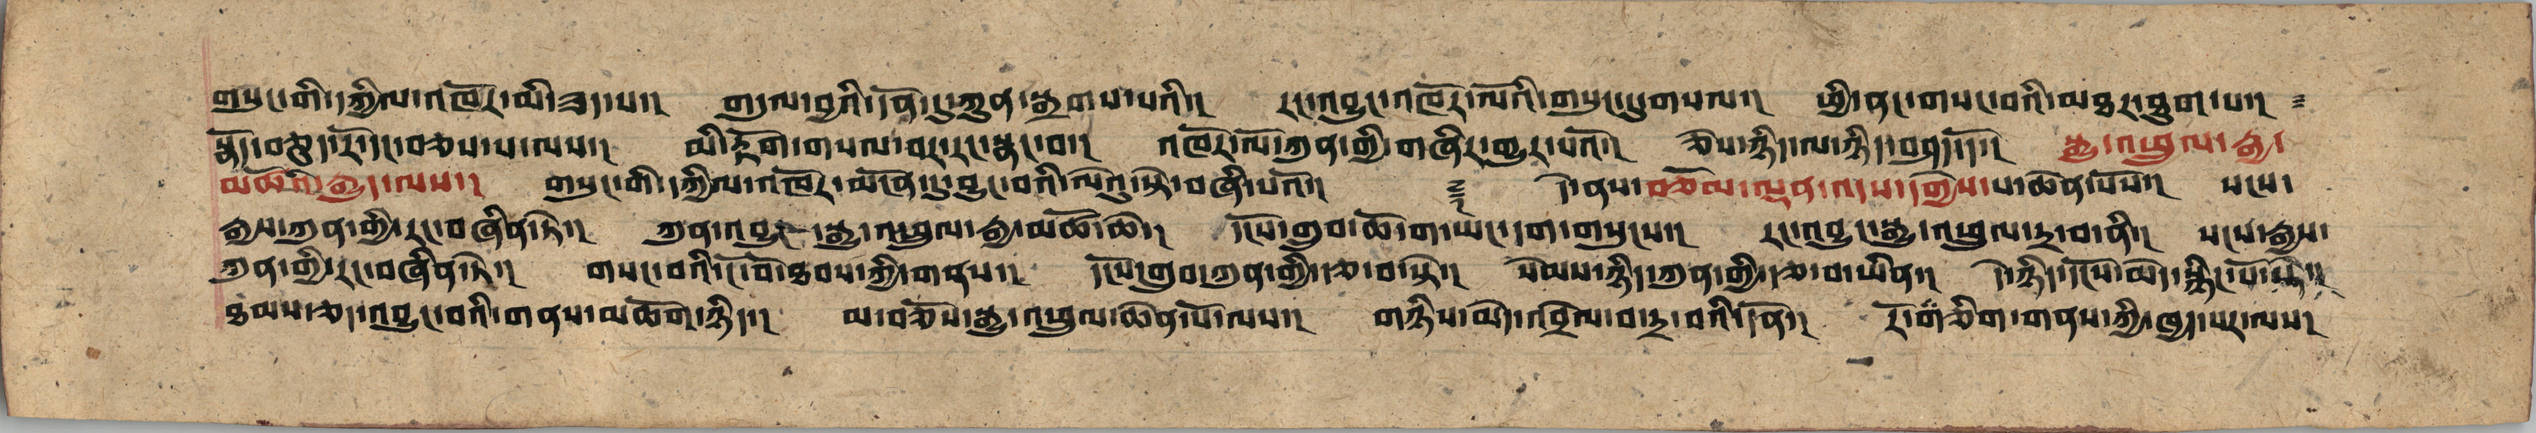གསུང་གི་དཀྱིལ་འཁོར་མི་ཟད་པ་། གདུལ་བྱའི་དོན་དུ་ཀུན་སྒྲགས་པའི་། རང་བྱུང་འཁོར་ལོའི་གསུང་དུ་གསལ་། ཕྱི་ནང་གསང་བའི་མཐར་ཐུག་པ་།
སྣོད་བཅུད་རོ་དང་བཅས་པ་ལས་། མི་རྟོག་གསལ་བར་རང་སྣང་བ་། འཁོར་ལོ་ཀུན་གྱི་གཞིར་གྱུར་པའོ་། ཅེས་ཉིད་ལ་ཉིད་བཤད་དོ་། སྒྱུ་འཕྲུལ་རྒྱ་
མཚོའི་རྒྱུད་ལས་། གསུང་གི་དཀྱིལ་འཁོར་མངོན་དུ་བྱུང་བའི་ལེའུ་སྟེ་བཞི་པའོ་། ࿑ དེ་ནས་ཅོམ་ལྡན་འདས་དགྱེས་པ་ཆེན་པོས་། སངས་
རྒྱས་ཀུན་གྱི་རང་བཞིན་ཏེ་། ཀུན་འབྱུང་སྒྱུ་འཕྲུལ་རྒྱ་མཚོ་ཆེ་། དངོས་གྲུབ་ཆོ་ག་ཡང་དག་གསུངས་། རང་འབྱུང་སྒྱུ་འཕྲུལ་དྲ་བ་ནི་། སངས་རྒྱས་
ཀུན་གྱི་རང་བཞིན་ཏེ་། གསང་བའི་ངོ་བོ་ཐབས་ཀྱི་གནས་། དངོས་གྲུབ་ཀུན་གྱི་རྩ་བ་སྟེ་། སེམས་ཉིད་ཀུན་གྱི་རྩ་བ་ཡིན་། དེ་ཉིད་དངོས་མེད་སྙིང་པོ་སྟེ་།
ཐམས་ཅད་འབྱུང་བའི་གནས་མཆོག་ཉིད་། མ་བཅོས་སྒྱུ་འཕྲུལ་ཆེན་པོ་ལས་། གཉིས་མེད་འབྲེལ་བ་དྲ་བའི་དོན་། རོ་གཅིག་གནས་ཀྱི་ཁྱད་པར་ལས་།